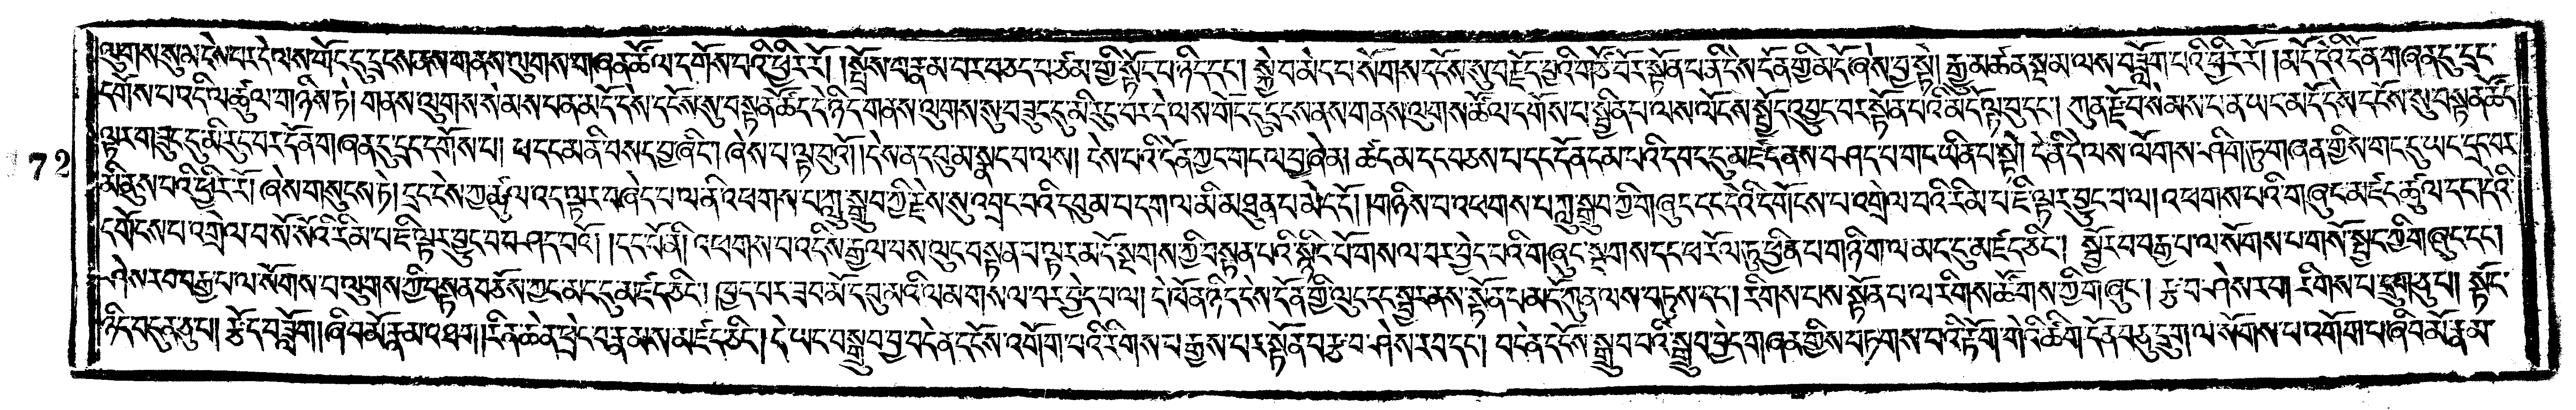ལུགས་སུམ་ངེས་པར་དེ་ལས་གོང་དུ་དྲངས་ནས་གནས་ལུགས་གཞན་ཚོལ་དགོས་བའི་ཕྱིར་རོ། །སྤྲོས་བ་རྣམ་པར་བཅད་པ་ཙམ་གྱི་སྟོང་པ་ཉིད་དང་། སྐྱེ་བ་མེད་པ་སོགས་དངོས་སུ་བརྗོད་བྱའི་གཙོ་བོར་སྟོན་པ་ནི་ངེས་དོན་གྱི་མདོ་ཞེས་བྱ་སྟེ། རྒྱུ་མཚན་སྔ་མ་ལས་བཟློག་པའི་ཕྱིར་རོ། །མདོ་དེའི་དོན་གཞན་དུ་དྲང་
དགོས་པ་འདི་ལ་ཚུལ་གཉིས་ཏེ། གནས་ལུགས་སེམས་པ་ན་མདོ་དེས་དངོས་སུ་བསྟན་ཚོད་དེ་ཉིད་གནས་ལུགས་སུ་བཟུང་དུ་མི་རུང་བར་དེ་ལས་གོང་དུ་དྲངས་ནས་གནས་ལུགས་ཚོལ་དགོས་པ་སྦྱིན་པ་ལས་ལོངས་སྤྱོད་འབྱུང་བར་སྟོན་པའི་མདོ་ལྟ་བུ་དང་། ཀུན་རྫོབ་སེམས་པ་ན་ཡང་མདོ་དེས་དངོས་སུ་བསྟན་ཚོད་
ལྟར་གཟུང་དུ་མི་རུང་བར་དོན་གཞན་དུ་དྲང་དགོས་པ། ཕ་དང་མ་ནི་བསད་བྱ་ཞིང་། ཞེས་པ་ལྟ་བུའོ། །དེས་ན་དབུ་མ་སྣང་བ་ལས། ངེས་པའི་དོན་ཀྱང་གང་ལ་བྱ་ཞེ་ན། ཚད་མ་དང་བཅས་པ་དང་དོན་དམ་པའི་དངང་དུ་མཛད་ནས་བཤད་པ་གང་ཡིན་པ་སྟེ། དེ་ནི་དེ་ལས་ལོགས་ཤིག་ཏུ་གཞན་གྱིས་གང་དུ་ཡང་དྲང་བར་
མི་ནུས་པའི་ཕྱིར་རོ། ཞེས་གསུངས་ཏེ། དྲང་ངེས་ཀྱ་ཚུལ་འདི་ལྟར་བཞེད་པ་ལ་ནི་འཕགས་པ་ཀླུ་སྒྲུབ་ཀྱི་རྗེས་སུ་འབྲང་བའི་དབུ་མ་པ་དག་ལ་མི་མཐུན་པ་མེད་དོ། །གཉིས་པ་འཕགས་པ་ཀླུ་སྒྲུབ་ཀྱི་གཞུང་དང་དེའི་དགོངས་པ་འགྲེལ་བའི་རིམ་པ་ཇི་ལྟར་བྱུང་བ་ལ། འཕགས་པའི་གཞུང་མཛད་ཚུལ་དང་། དེའི་
དགོངས་པ་འགྲེལ་བ་སོ་སོའི་རིམ་པ་ཇི་ལྟར་བྱུང་བ་བཤད་པའོ། །དང་པོ་ནི། འཕགས་པ་འདིས་རྒྱལ་བས་ལུང་བསྟན་པ་ལྟར་མདོ་སྔགས་ཀྱི་བསྟན་པའི་སྙིང་པོ་གསལ་བར་བྱེད་པའི་གཞུང་སྔགས་དང་ཕ་རོལ་ཏུ་ཕྱིན་པ་གཉི་ག་ལ་མང་དུ་མཛད་ཅིང་། སྦྱོར་བ་བརྒྱ་པ་ལ་སོགས་པ་གསོ་སྤྱད་ཀྱི་གཞུང་དང་།
ཤེས་རབ་བརྒྱ་པ་ལ་སོགས་པ་ལུགས་ཀྱི་བསྟན་བཅོས་ཀྱང་མང་དུ་མཛད་ཅིང་། ཁྱད་པར་ཟབ་མོ་དབུ་མའི་ལམ་གསལ་བར་བྱེད་པ་ལ། དེ་ཁོ་ན་ཉིད་ངེས་དོན་གྱི་ལུང་དང་སྦྱར་ནས་སྟོན་བ་མདོ་ཀུན་ལས་བཏུས་དང་། རིགས་པས་སྟོན་པ་ལ་རིགས་ཚོགས་ཀྱི་གཞུང་། རྩ་བ་ཤེས་རབ། རིགས་པ་དྲུག་ཅུ་པ། སྟོང་
ཉིད་བདུན་ཅུ་པ། རྩོད་བཟློག། ཞིབ་མོ་རྣམ་འཐག །རིན་ཆེན་ཕྲེང་བ་རྣམས་མཛད་ཅིང་། དེ་ཡང་བསྒྲུབ་བྱ་བདེན་དངོས་འགོག་པའི་རིགས་པ་རྒྱས་པར་སྟོན་བརྩ་བ་ཤེས་རབ་དང་། བདེན་དངོས་སྒྲུབ་པའི་སྒྲུབ་བྱེད་གཞན་གྱིས་བཏགས་པའི་རྟོག་གེའི་ཚིག་དོན་བཅུ་དྲུག་ལ་སོགས་པ་འགོག་པ་ཞིབ་མོ་རྣམ་